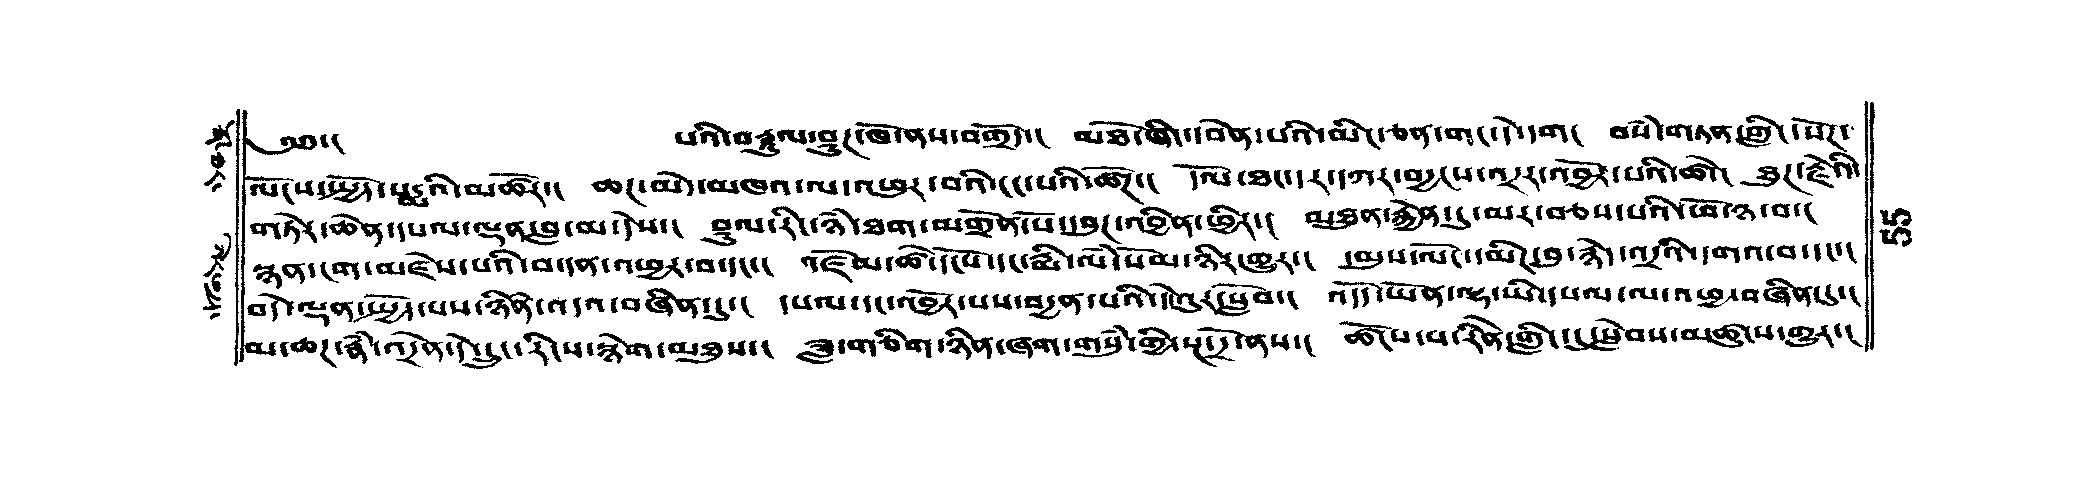པའི་བརྟུལ་ཞུགས་ཁོ་ནས་བགྲོད། །མཐོ་ཞིང་དབེན་པའི་མིང་ཅན་གང་དེ་དག བསམ་གཏན་གླིང་སོགས་
ལོངས་སྤྱོད་པདྨའི་མཚོར། །ཆགས་མེད་མཁའ་ལ་འཕུར་བའི་ངང་པའི་ཚོགས། །དོལ་ཐང་དར་དཀར་བརྒྱངས་འདྲར་འབྱོར་པའི་ཚེ། །ཐུགས་རྗེའི་
གཏེར་ཆེན་དཔལ་ལྡན་བླ་མ་དེས། །ཤུལ་རིང་ཉམ་ཐག་མགྲོན་པོ་དབུགས་འབྱིན་ཕྱིར། །མཐུན་རྐྱེན་དུ་མར་བཅས་པའི་ཕོ་ཉ་བ། །
སྙན་ངག་མཛེས་པའི་བ་དན་འཕྱར་བ་དང་། །འཛོམ་ཚེ་དངོས་དང་རྨི་ལམ་སོམ་ཉིར་གྱུར། །དམུས་ལོང་དམིགས་བུ་རྙེད་འདྲའི་དགའ་བ་དང་། །
བདེ་ལྡན་སྤྱོད་པས་ཉིན་ཚན་འདའ་བཞིན་དུ། །དཔལ་དང་འབྱོར་པས་བརྒྱན་པའི་དེ་འུར་སློབ། །འདོད་ཡོན་ལྷ་ཡི་དཔལ་ལ་འཕྱ་བཞིན་དུ། །
མ་ཆགས་རྣམ་འདྲེན་དེ་དྲུང་རིངས་སྙེགས་མཐུས། །ཟླ་གཅིག་ཉིན་ཞག་གསུམ་གྱི་སྔ་དྲོ་ནས། །ཚོང་པ་རིན་ཆེན་གླིང་དུ་སླེབས་མཚུངས་གྱུར།